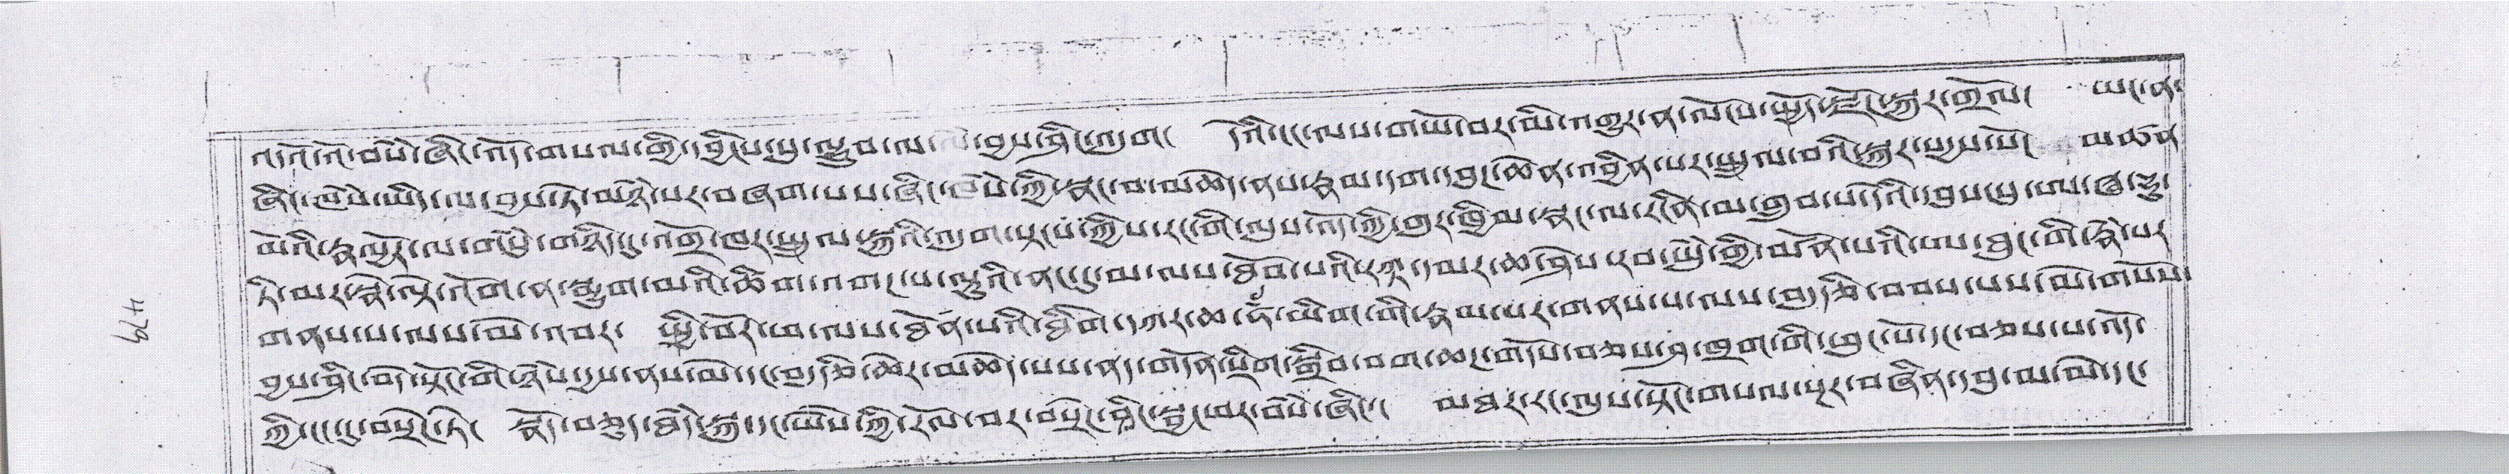འདའོ་བསམ་ཞིང་འོིད་གསལ་གྱི་དབྱིངས་སུ་ལྷུན་གྲུབ་ལ་ལམ་བྱས་ཤིང་འདུག དེའི་ངང་ལས་གཡོ་བར་མི་འགྱུར་ན་ལོངས་སྤྱོད་རྫོགས་སྐུར་གྲོལ། ཡང་ན་
ཞིང་ཁམས་ཡིད་ལ་བྱས་ཏེ་མཉམ་པར་བཞག་པས་ཞིང་ཁམས་ཀྱི་སྣང་བ་མཆེད་ནས་རྣམ་དག་དབུགས་ཆེན་འབྱིན་པར་སྤྲུལ་པའི་སྐུར་སངས་རྒྱས་སོ། །མཚན་
མོའི་རྣལ་འབྱོར་ལ་གསུམ། གཉིད་དུ་འགྲོ་ཁར་སྤྲུལ་སྐུའི་འདུག་སྟངས་ཀྱིས་རང་གི་ལུས་འོད་ཀྱི་གུར་ཁྱིམ་སྣང་ལ་རང་བཞིན་མ་གྲུབ་པ་དེའི་དབུས་སུ་ཨ་ཝ་དྷུ་
ཏི་མར་སྣེ་ལྟེ་འོག་ན་སྨྱུག་མའི་ཚིག་འགགས་པ་ལྟ་བུའི་ནང་དུ་མ་ལས་ཐོབ་པའི་རཀྟ་དམར་ཆ་ཤེས་རབ་ཡུམ་གྱིས་མཚོན་པའི་ཨ་ཐུང་གི་རྣམ་པར་
གནས་པ་ལས་མེ་འབར། སྤྱི་བོར་ཕ་ལས་ཐོན་པའི་ཐིག་ལེ་དཀར་ཆ་ཧཾ་ཡིག་གི་རྣམ་པར་གནས་པ་ལས་བདུད་རྩི་བབས་པས་མེ་གསོས་
བྱས་ཤིང་བདེ་སྟོང་གི་ཉམས་རྒྱས་ནས་མེ་དང་བདུད་རྩི་ཆེར་མཆེད་པས་ནད་གདོན་སྡིག་སྒྲིབ་བག་ཆགས་གདོས་བཅས་ཤ་ཁྲག་གི་ཕུང་པོ་དང་བཅས་པ་འོད་
ཀྱི་ངང་དུ་བསྲེགས་ཏེ། སྣོད་བཅུད་ཐམས་ཅད་སྐུ་དང་ཡེ་ཤེས་ཀྱི་རོལ་པར་བསྲེགས་ཤིང་སྦྱངས་པར་བསམ་ཞིང་། མཐར་རང་ལུས་སྟོང་གསལ་སྔར་བཞིན་དབུ་མ་མེ་དང་